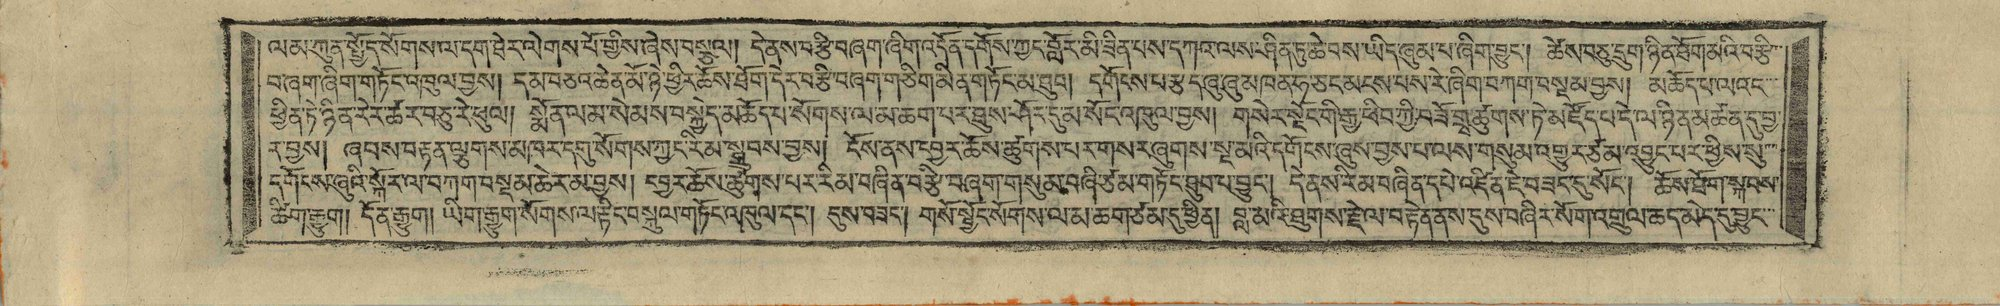ལམ་ཀུན་སྤྱོད་སོགས་ལ་དག་ཐེར་ལེགས་པོ་གྱིས་ཞེས་བསྩལ། དེ་ནས་བརྩི་བཞག་ཞིག་འདོན་དགོས་ཀྱང་བློར་མི་ཟིན་པས་དཀའ་ལས་ཤིན་ཏུ་ཆེ་བས་ཡིད་ཞུམ་པ་ཞིག་བྱུང་། ཚེས་བཅུ་དྲུག་ཉིན་ཐོག་མའི་བརྩི་
བཞག་ཞིག་གཏོང་འཁུལ་བྱས། དམ་བཅའ་ཆེན་མོ་ཉེ་ཕྱིར་ཆོས་ཐོག་དེར་བརྩི་བཞག་གཅིག་མིན་གཏོང་མ་ཐུབ། དགོངས་པ་རྩད་ཞུ་ཞུ་མཁན་ཧ་ཅང་མངས་པས་རེ་ཞིག་བཀག་བསྡམ་བྱས། མཆོད་པ་ལའང་
ཕྱིན་ཏེ་ཉིན་རེར་ཚར་བཅུ་རེ་ཕུལ། སྨོན་ལམ་སེམས་བསྐྱེད་མཆོད་པ་སོགས་ལ་མ་ཆག་པར་ཐུས་ཤོར་དུ་མ་སོང་འཁུལ་བྱས། གསེར་སྡོང་གི་རྒྱ་ཕིབ་ཀྱི་བཟོ་གྲྭ་ཚུགས་ཏེ་མཛོད་པ་དེ་ལ་ཉིན་མཚན་དུ་བྱ་
ར་བྱས། ཞབས་བརྟན་ལྕགས་མཁར་དགུ་སོགས་ཀྱང་རིམ་སྒྲུབས་བྱས། ངོས་ནས་དབྱར་ཆོས་ཚུགས་པར་གསར་ཞུགས་སྔ་མའི་དགོངས་ཞུས་བྱས་པ་ལས་གསུམ་འགྱུར་ཙམ་འབྱུང་བར་ཕྱིས་སུ་
དགོངས་ཞུའི་སྐོར་ལ་བཀག་བསྡམ་ཆེར་མ་བྱས། དབྱར་ཆོས་ཚུགས་པར་རིམ་བཞིན་བརྩི་བཞག་གསུམ་བཞི་ཙམ་གཏོང་ཐུབ་པ་བྱུང་། དེ་ནས་རིམ་བཞིན་དཔེ་འཛིན་ཇེ་བཟང་དུ་སོང་། ཆོས་ཐོག་སྐབས་
ཚིག་རྒྱུག །དོན་རྒྱུག །ཡིག་རྒྱུག་སོགས་ལ་རྟིང་བསྐུལ་གཏོང་འཁུལ་དང་། དུས་བཟང་། གསོ་སྦྱོང་སོགས་ལམ་ཆག་ཙམ་དུ་ཕྱིན། བླ་མའི་ཐུགས་རྗེ་ལ་བརྟེན་ནས་དུས་བཞིར་སོག་འགྲུལ་ཆད་མེད་དུ་བྱུང་